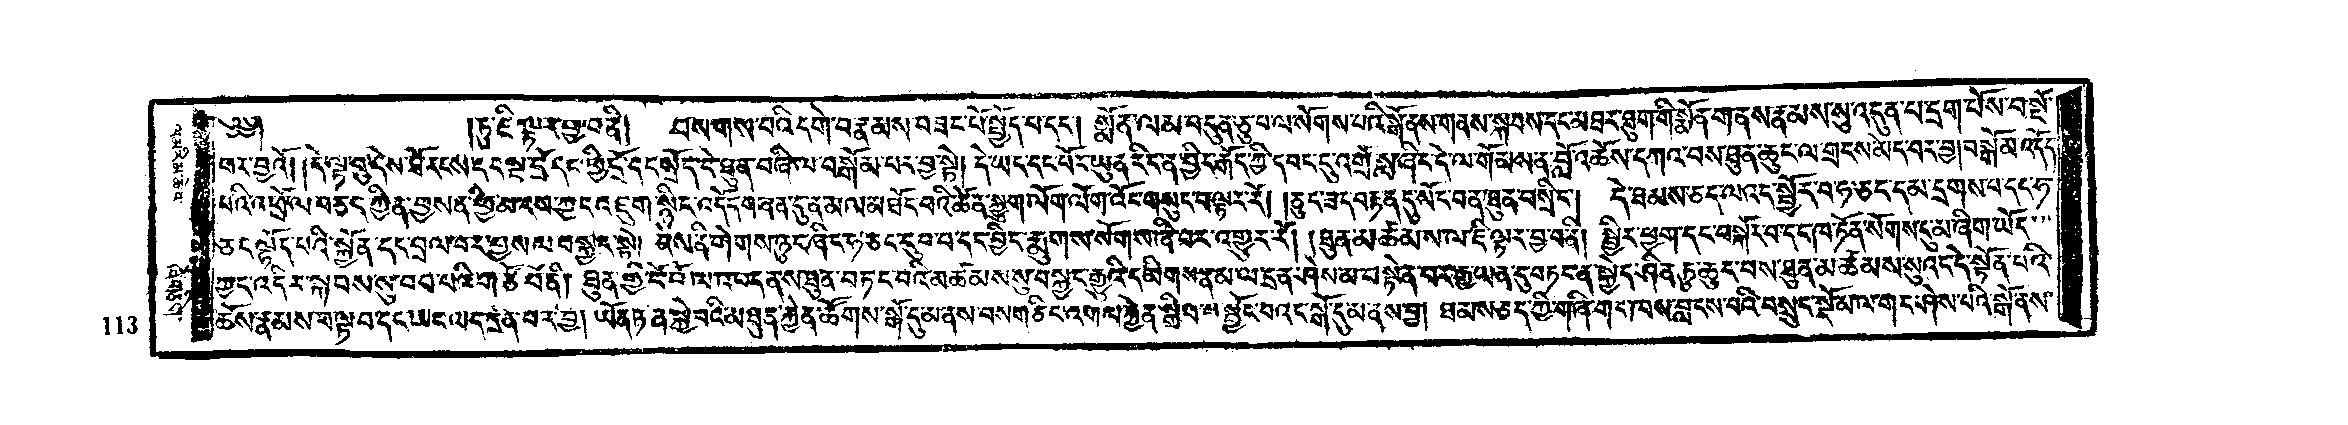༄༅། །ཏུ་ཇི་ལྟར་བྱ་བ་ནི། བསགས་པའི་དགེ་བ་རྣམས་བཟང་པོ་སྤྱོད་པ་དང་། སྨོན་ལམ་བདུན་ཅུ་པ་ལ་སོགས་པའི་སྒོ་ནས་གནས་སྐབས་དང་མཐར་ཐུག་གི་སྨོན་གནས་རྣམས་སུ་འདུན་པ་དྲག་པོས་བསྔོ་
བར་བྱའོ། །དེ་ལྟ་བུ་དེས་ཐོ་རངས་དང་སྔ་དྲོ་དང་ཕྱི་དྲོ་དང་སྲོད་དེ་ཐུན་བཞི་ལ་བསྒོམ་པར་བྱ་སྟེ། དེ་ཡང་དང་པོར་ཡུན་རིང་ན་བྱིང་རྒོད་ཀྱི་དབང་དུ་འགྲོ་སླ་ཞིང་དེ་ལ་གོམས་ན་བློ་འཆོས་དཀའ་བས་ཐུན་ཆུང་ལ་གྲངས་མང་བར་བྱ། བསྒོམ་འདོད་
པའི་འཕྲོ་ལ་བཅད་ཀྱི་ན་བྱས་ན་ཕྱི་མ་རེས་ཀྱང་འཇུག་སྙིང་འདོད་གཞན་དུ་ན་མལ་མཐོང་བའི་ཚེ་ན་སྐྱུག་ལོག་ལོག་འོང་གསུང་བ་ལྟར་རོ། །ཅུང་ཟད་བརྟན་དུ་སོང་བ་ན་ཐུན་བསྲིང་། དེ་ཐམས་ཅད་ལའང་སྦྱོར་བ་ཧ་ཅང་དམ་དྲགས་པ་དང་ཧ་
ཅང་ལྷོད་པའི་སྐྱོན་དང་བྲལ་བར་བྱས་ལ་བསྐྱང་སྟེ། དེས་ནི་གེགས་ཉུང་ཞིང་ཧ་ཅང་དུབ་པ་དང་བྱིང་རྨུགས་སོགས་ཞི་བར་འགྱུར་རོ། །ཐུན་མཚམས་ལ་ཇི་ལྟར་བྱ་བ་ནི། སྤྱིར་ཕྱག་དང་བསྐོར་བ་དང་ཁ་ཏོན་སོགས་དུ་མ་ཞིག་ཡོད་
ཀྱང་འདིར་སྐབས་སུ་བབ་པའི་གཙོ་བོ་ནི། ཐུན་གྱི་ངོ་བོ་ལ་འབད་ནས་ཐུན་བཏང་བའི་མཚམས་སུ་བསྐྱང་རྒྱུའི་དམིགས་རྣམ་ལ་དྲན་ཤེས་མ་བསྟེན་པར་རྒྱ་ཡན་དུ་བཏང་ན་སྐྱེད་ཤིན་ཏུ་ཆུང་བས་ཐུན་མཚམས་སུའང་དེ་སྟོན་པའི་
ཆོས་རྣམས་བལྟ་བ་དང་ཡང་ཡང་དྲན་པར་བྱ། ཡོན་ཏན་སྐྱེ་བའི་མཐུན་རྐྱེན་ཚོགས་སྒོ་དུ་མ་ནས་བསག་ཅིང་འགལ་རྐྱེན་སྒྲིབ་པ་སྦྱོང་བའང་སྒོ་དུ་མ་ནས་བྱ། ཐམས་ཅད་ཀྱི་གཞི་གང་ཁས་བླངས་པའི་བསྲུང་སྡོམ་ལ་གང་ཤེས་པའི་སྒོ་ནས་